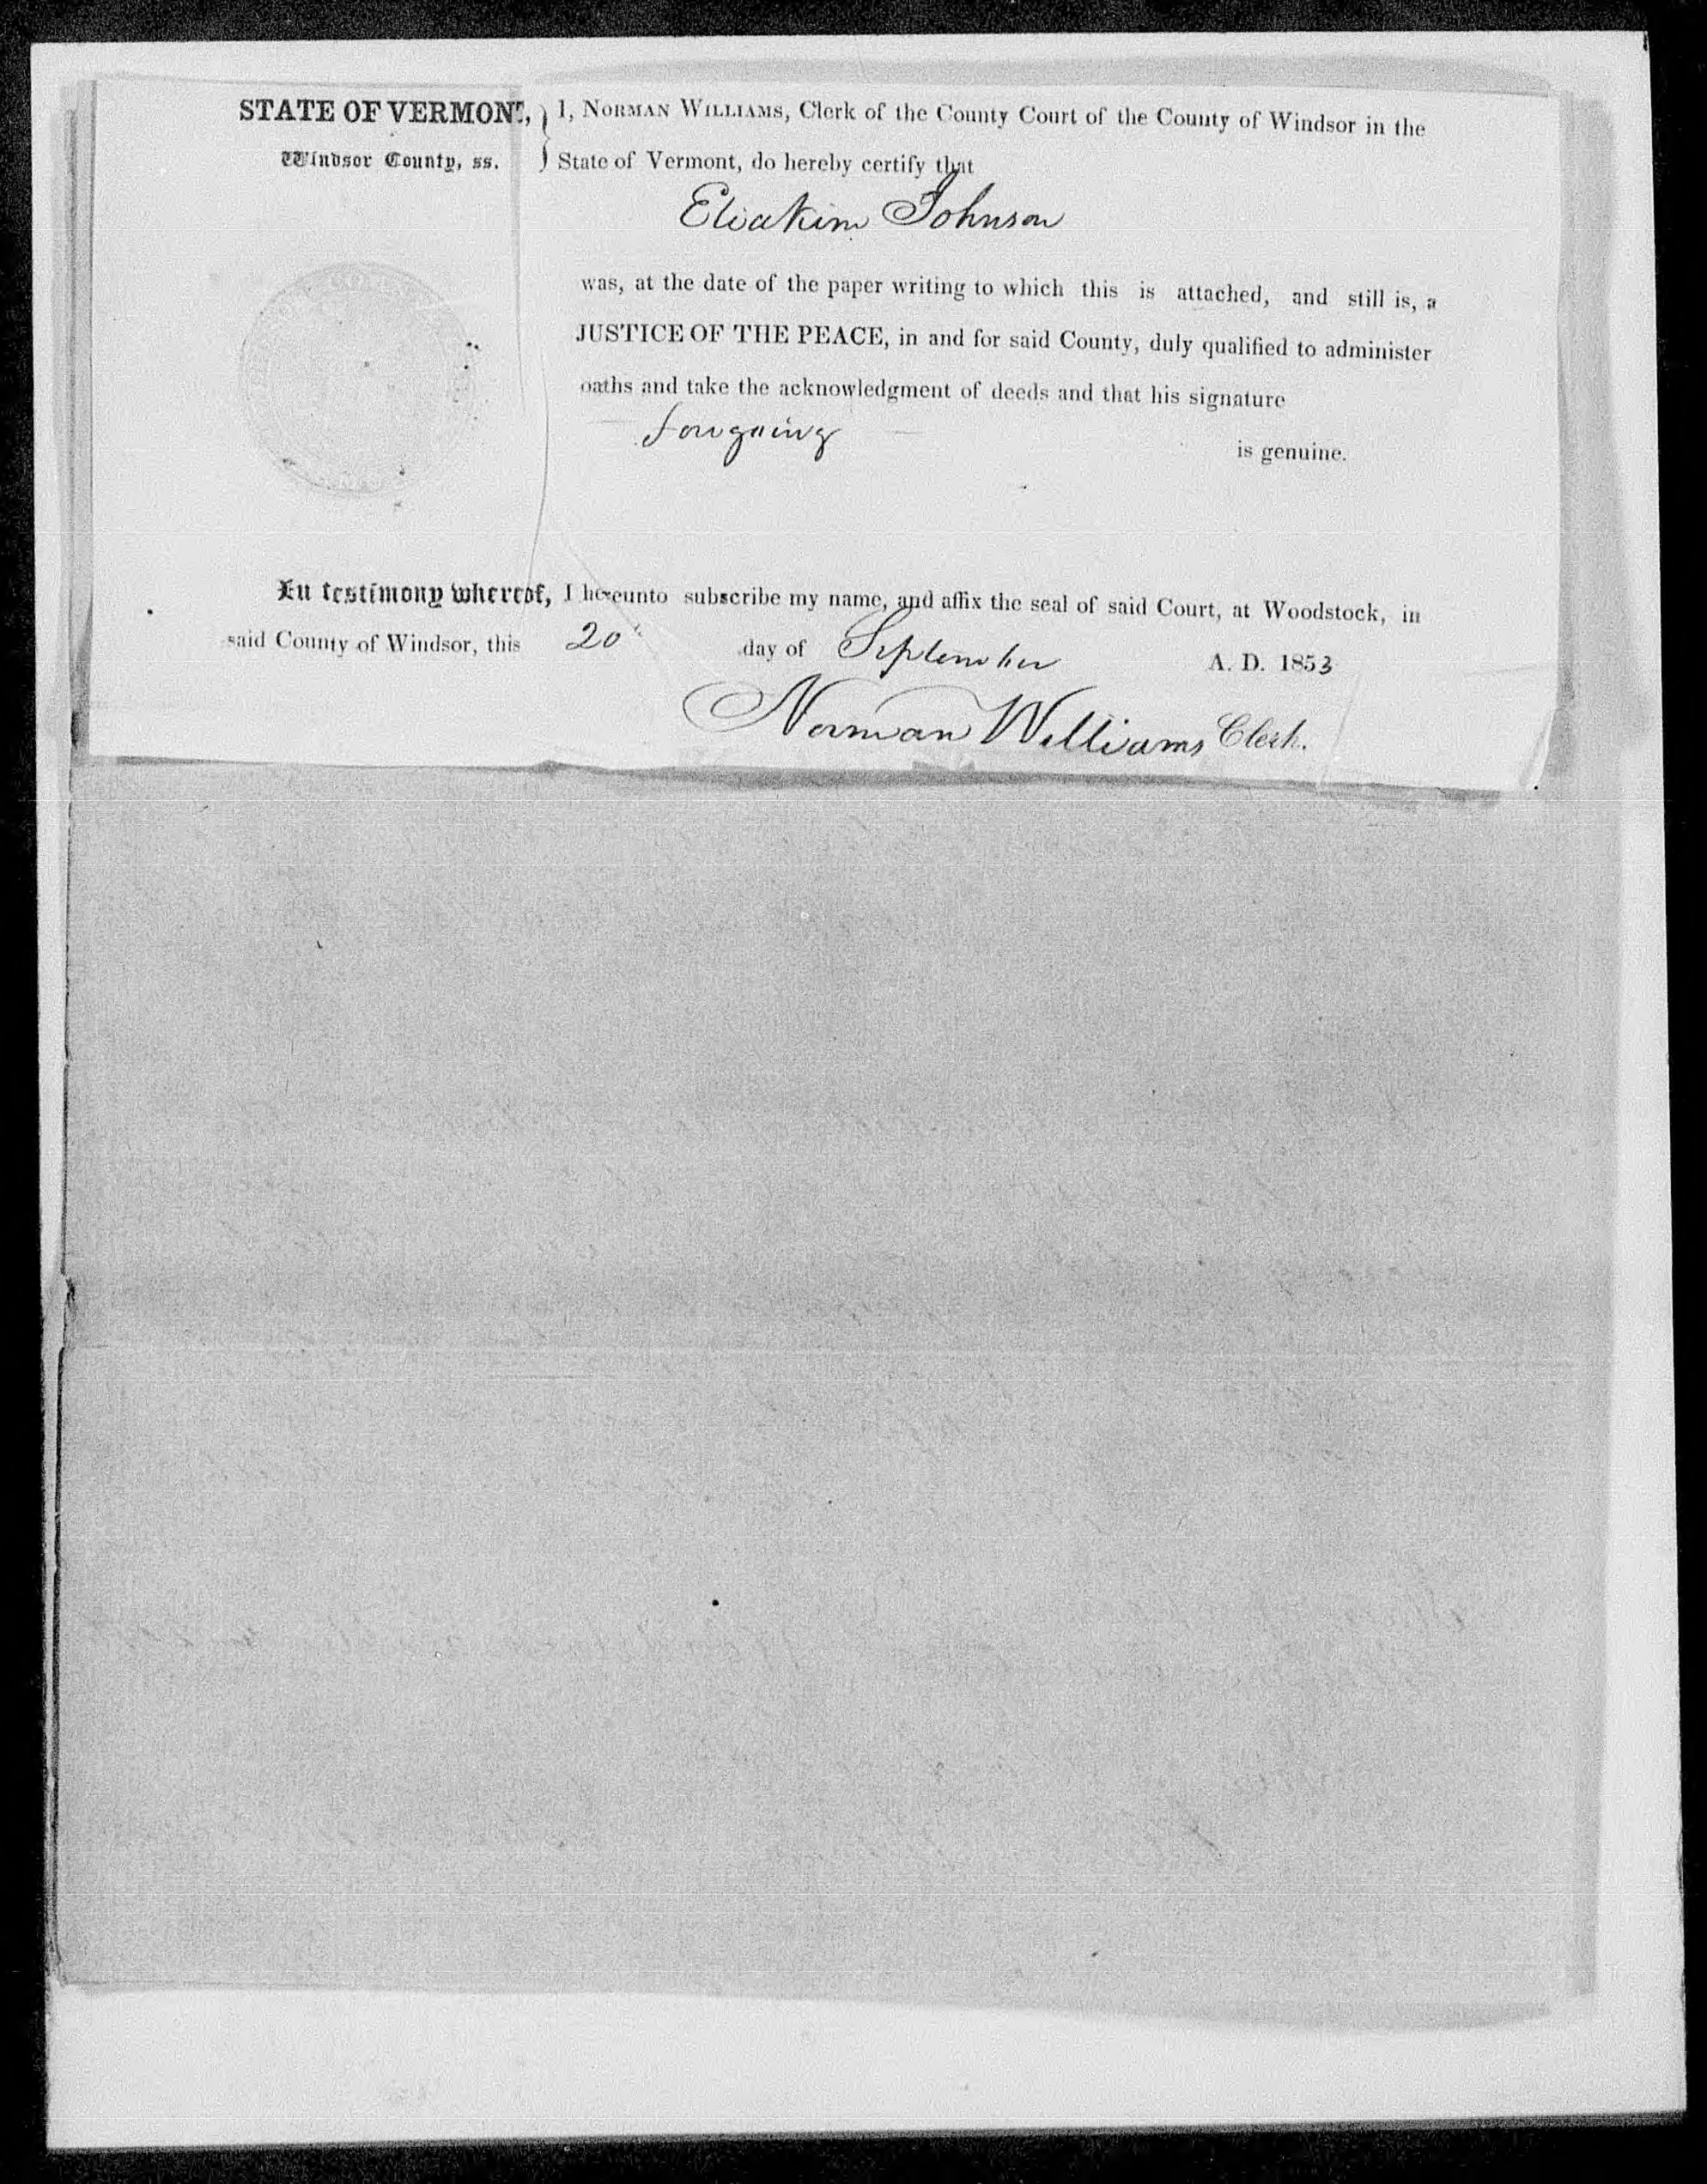STATE OF VERMONT,}
Windsor County, ss.  }
I, NORMAN WILLIAMS, Clerk of the County Court of the County of Windsor in the State of Vermont, do hereby certify that
Eliakim Johnson
was, at the date of the paper writing to which this is attached, and still is a JUSTICE OF THE PEACE in and for said County, duly qualified to administer oaths and take the acknowledgment of deeds and that his signature foregoing is genuine.
In testimony whereof, I hereunto subscribe my name, and affix the seal of said Court, at Woodstock, in said County of Windsor, this 20th day of September A. D. 1853
Norman Williams  Clerk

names: Eliakim Johnson, Norman Williams, Norman Williams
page: 10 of 33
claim: widow's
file: W. 4681, Josiah Gibbs, Mass